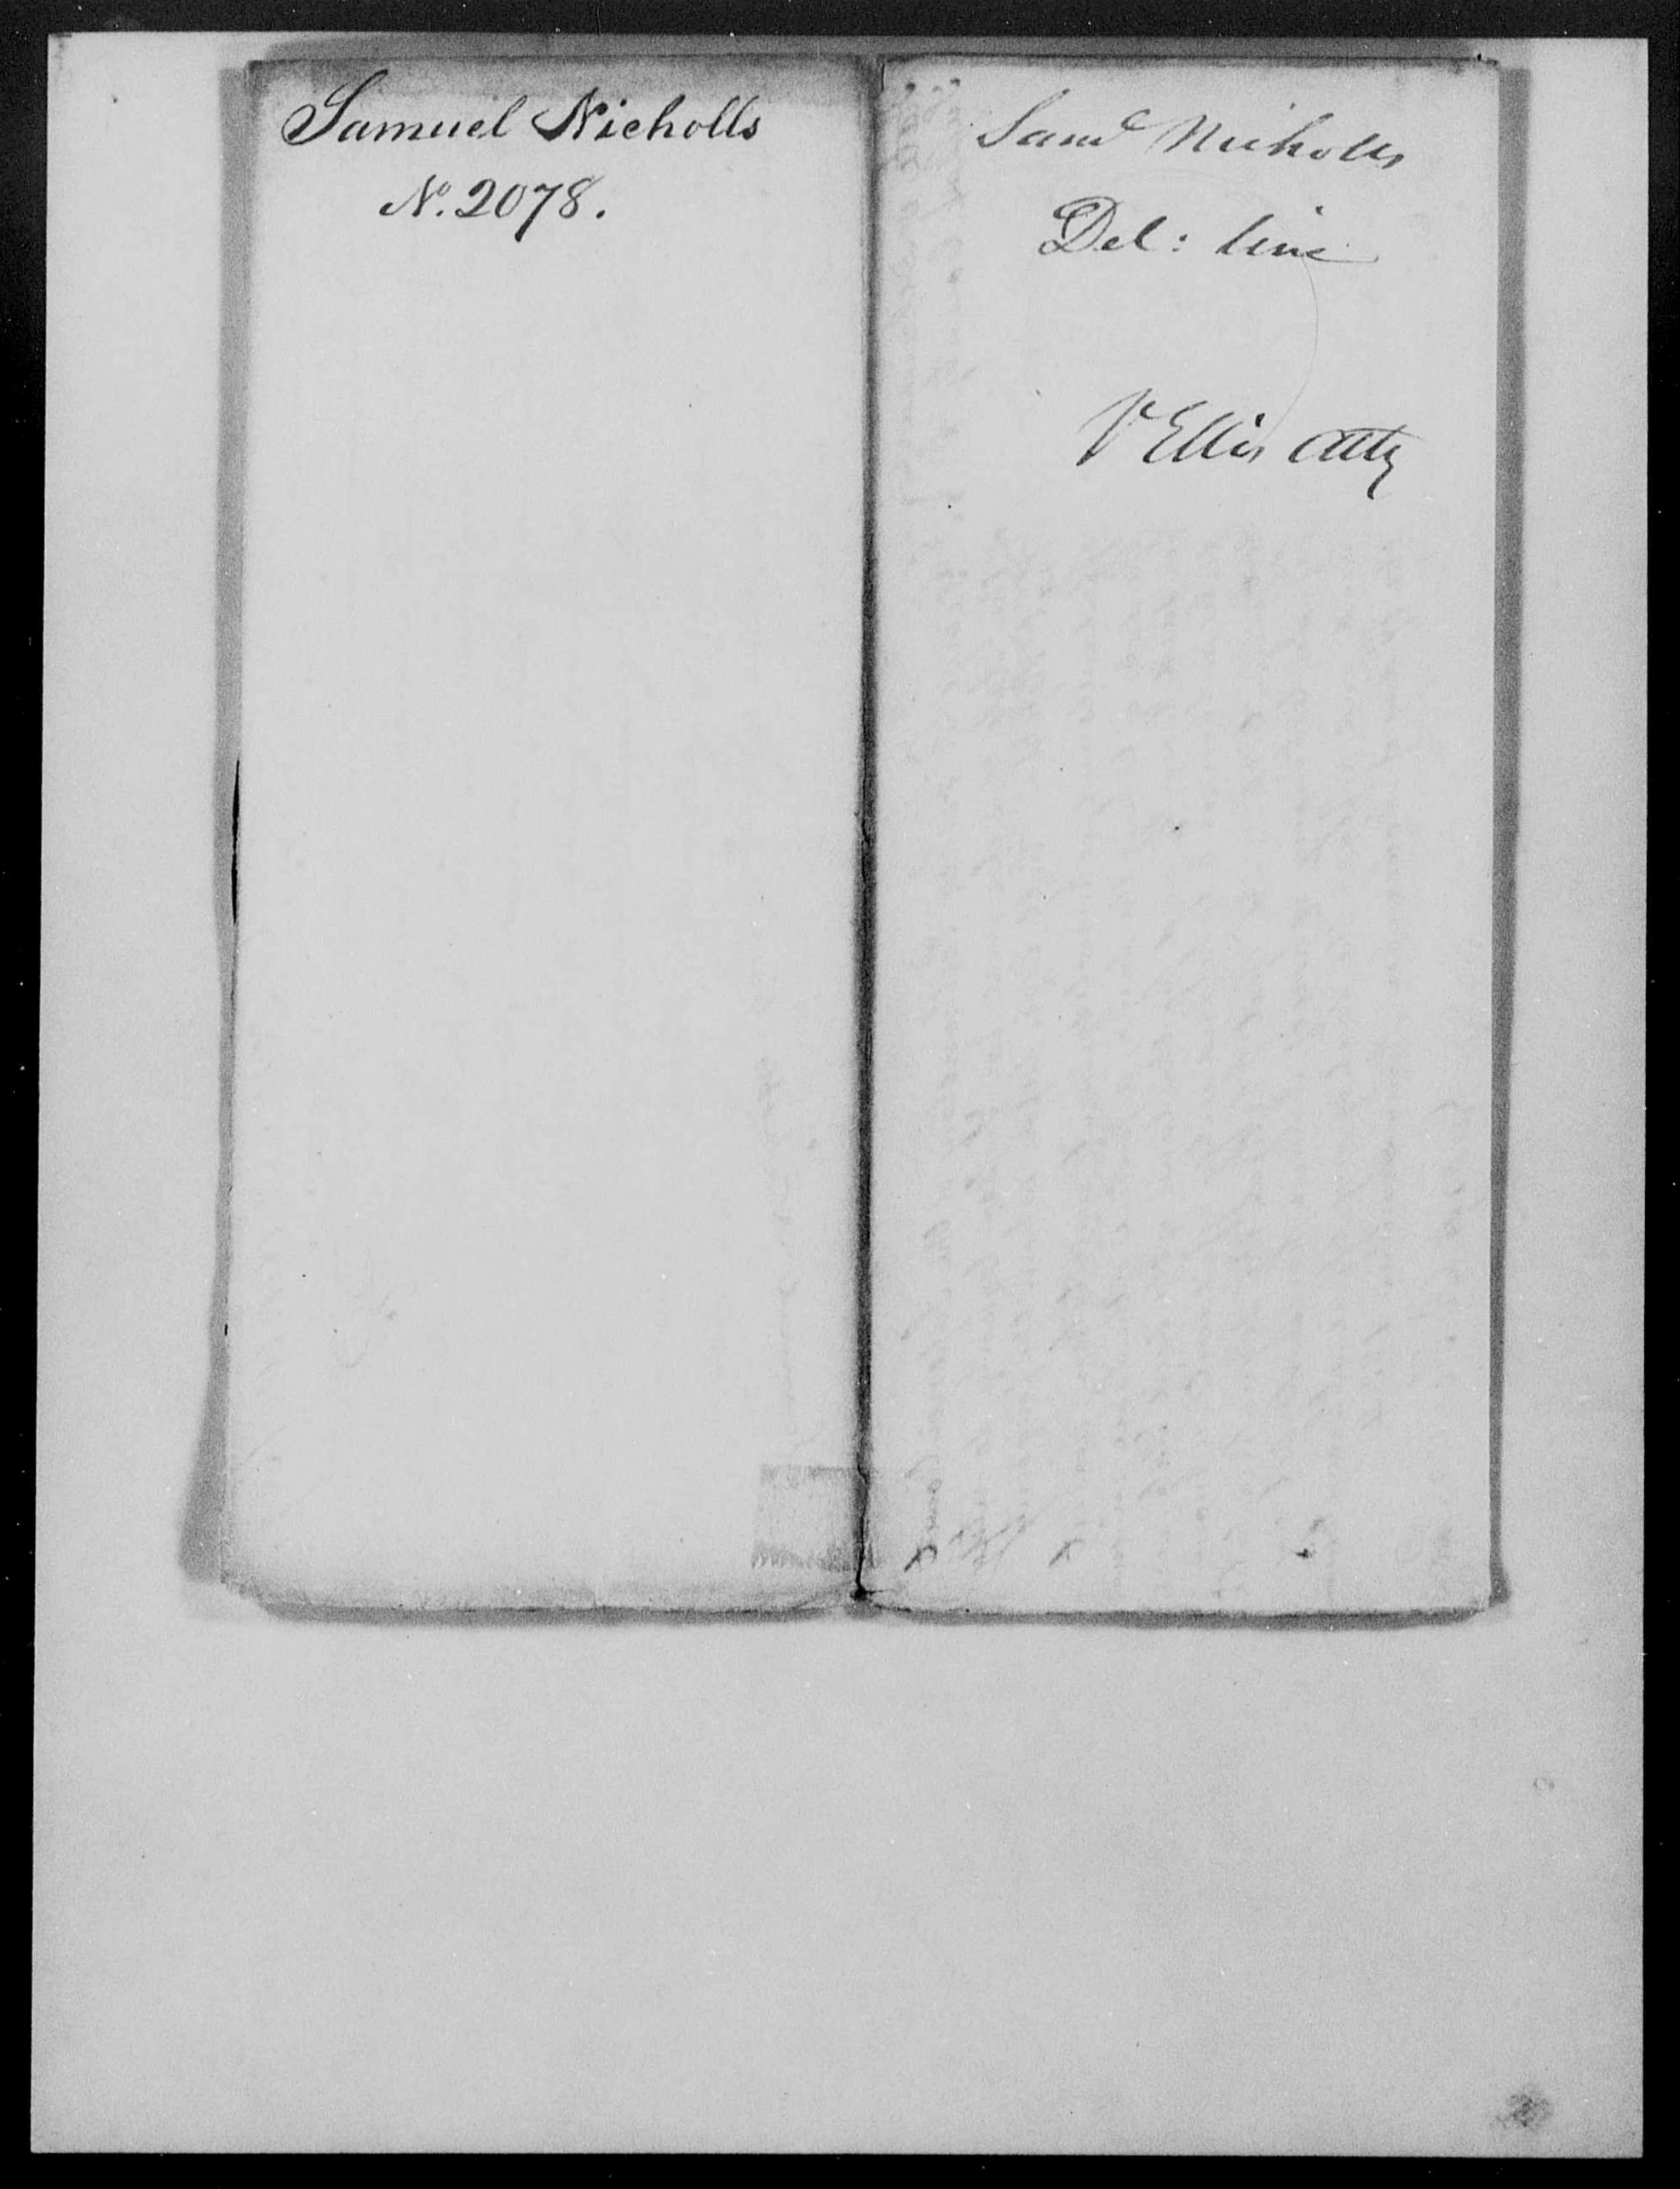[handwritten]

Samuel Nicholls
No. 2078.
Saml Nicholls
Del: line
V Ellis Atty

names: V Ellis; Saml Nicholls; Samuel Nicholls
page: 4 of 7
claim: bounty land warrant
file: B. L. Wt. 2078-100, for Samuel Nickolls, Delaware